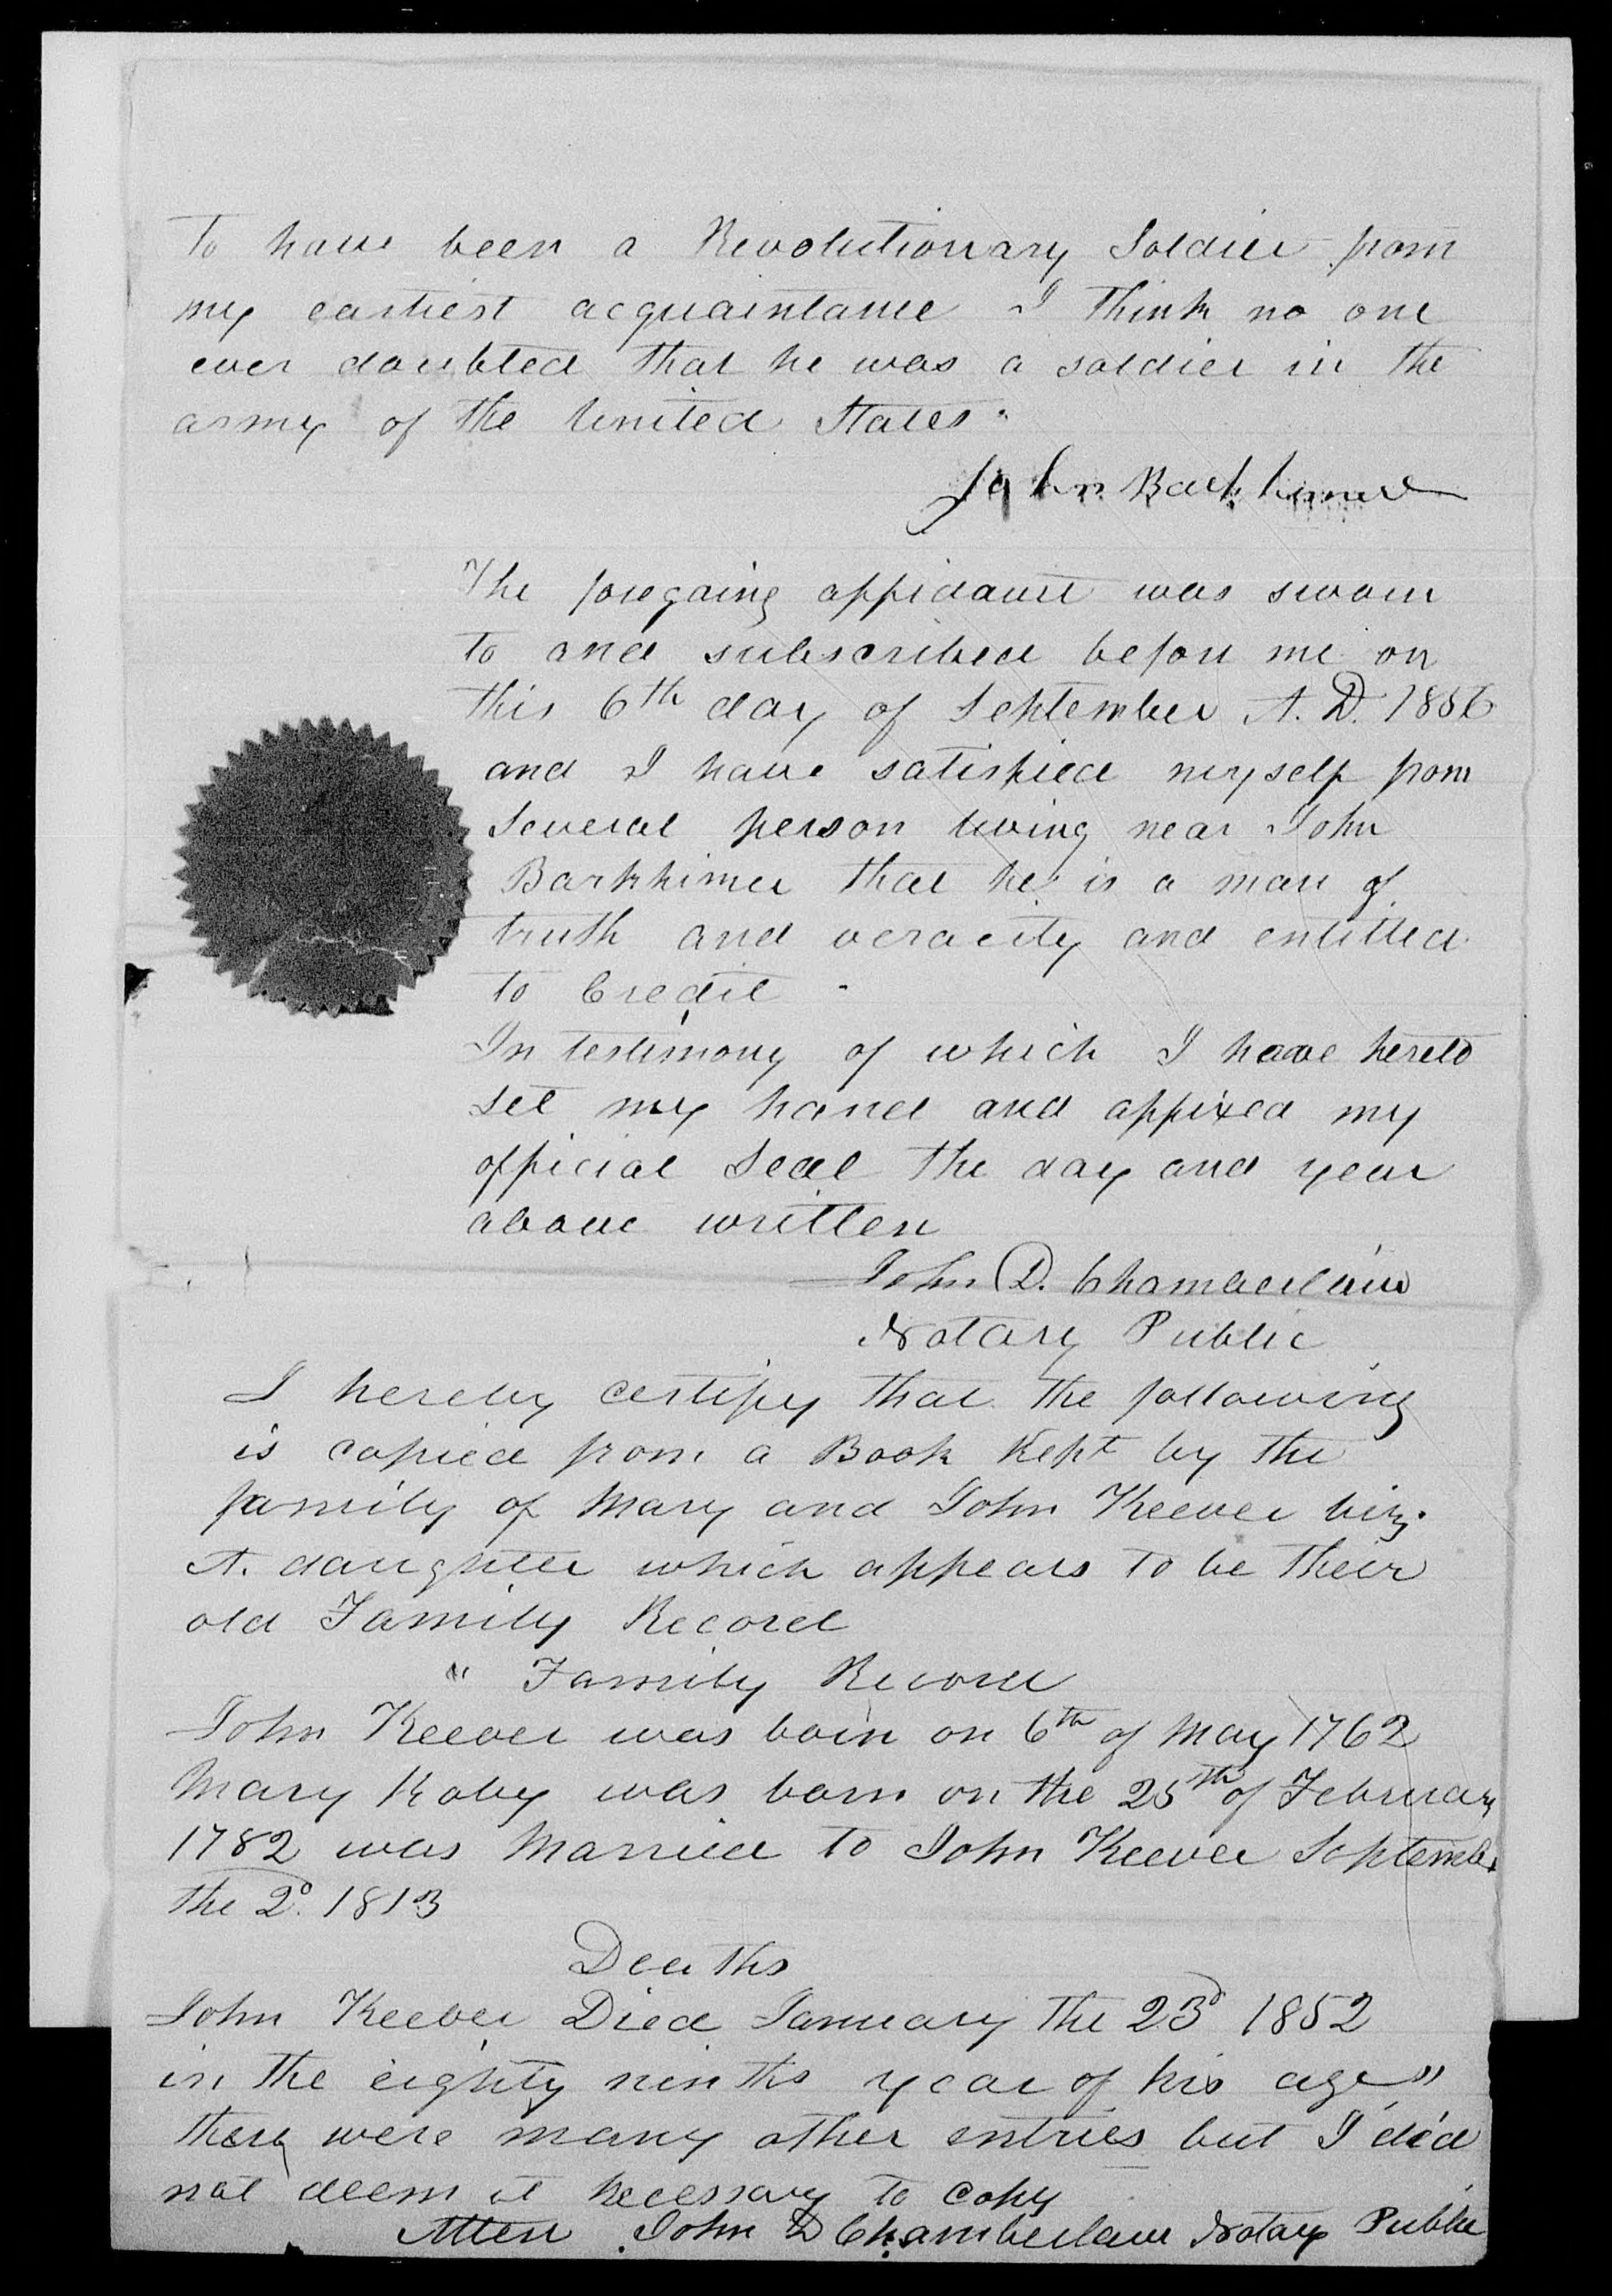to have been a Revolutionary Soldier from 
my earliest acquaintance I think no one 
ever doubted that he was a soldier in the 
army of the United States 
John Barkhimer
The foregoing affidavit was sworn 
to and subscribed before me on 
this 6th day of September A.D. 1856 
and I have satisfied myself from 
several person living near John 
Barkhimer that he is a man of 
truth and veracity and entitled 
to Credit 
In testimony of which I have hereto 
set my hand and affixed my 
official seal the day and year 
above written 
John D. Chamberlain 
Notary Public 

I hereby certify that the following 
is copied from a Book kept by the 
family of Mary and John Keever viz.
A daughter which appears to be their 
old Family Record at 
“Family Record 
John Keever was born on 6th of May 1762 
Mary Roby was born on the 25th of February 1782 was married to John Keever September the 2d 1813 
Deaths
John Keever Died January the 23d 1852 
in the eighty ninth year of his age,“
there were many other entries but I did 
not deem it necessary to copy 
Attest John D Chamberlain Notary Public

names: Mary Keever; John Barkhimer; John D Chamberlain; John Keever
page: 20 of 33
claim: rejected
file: R. 5814, for John Keever, Maryland